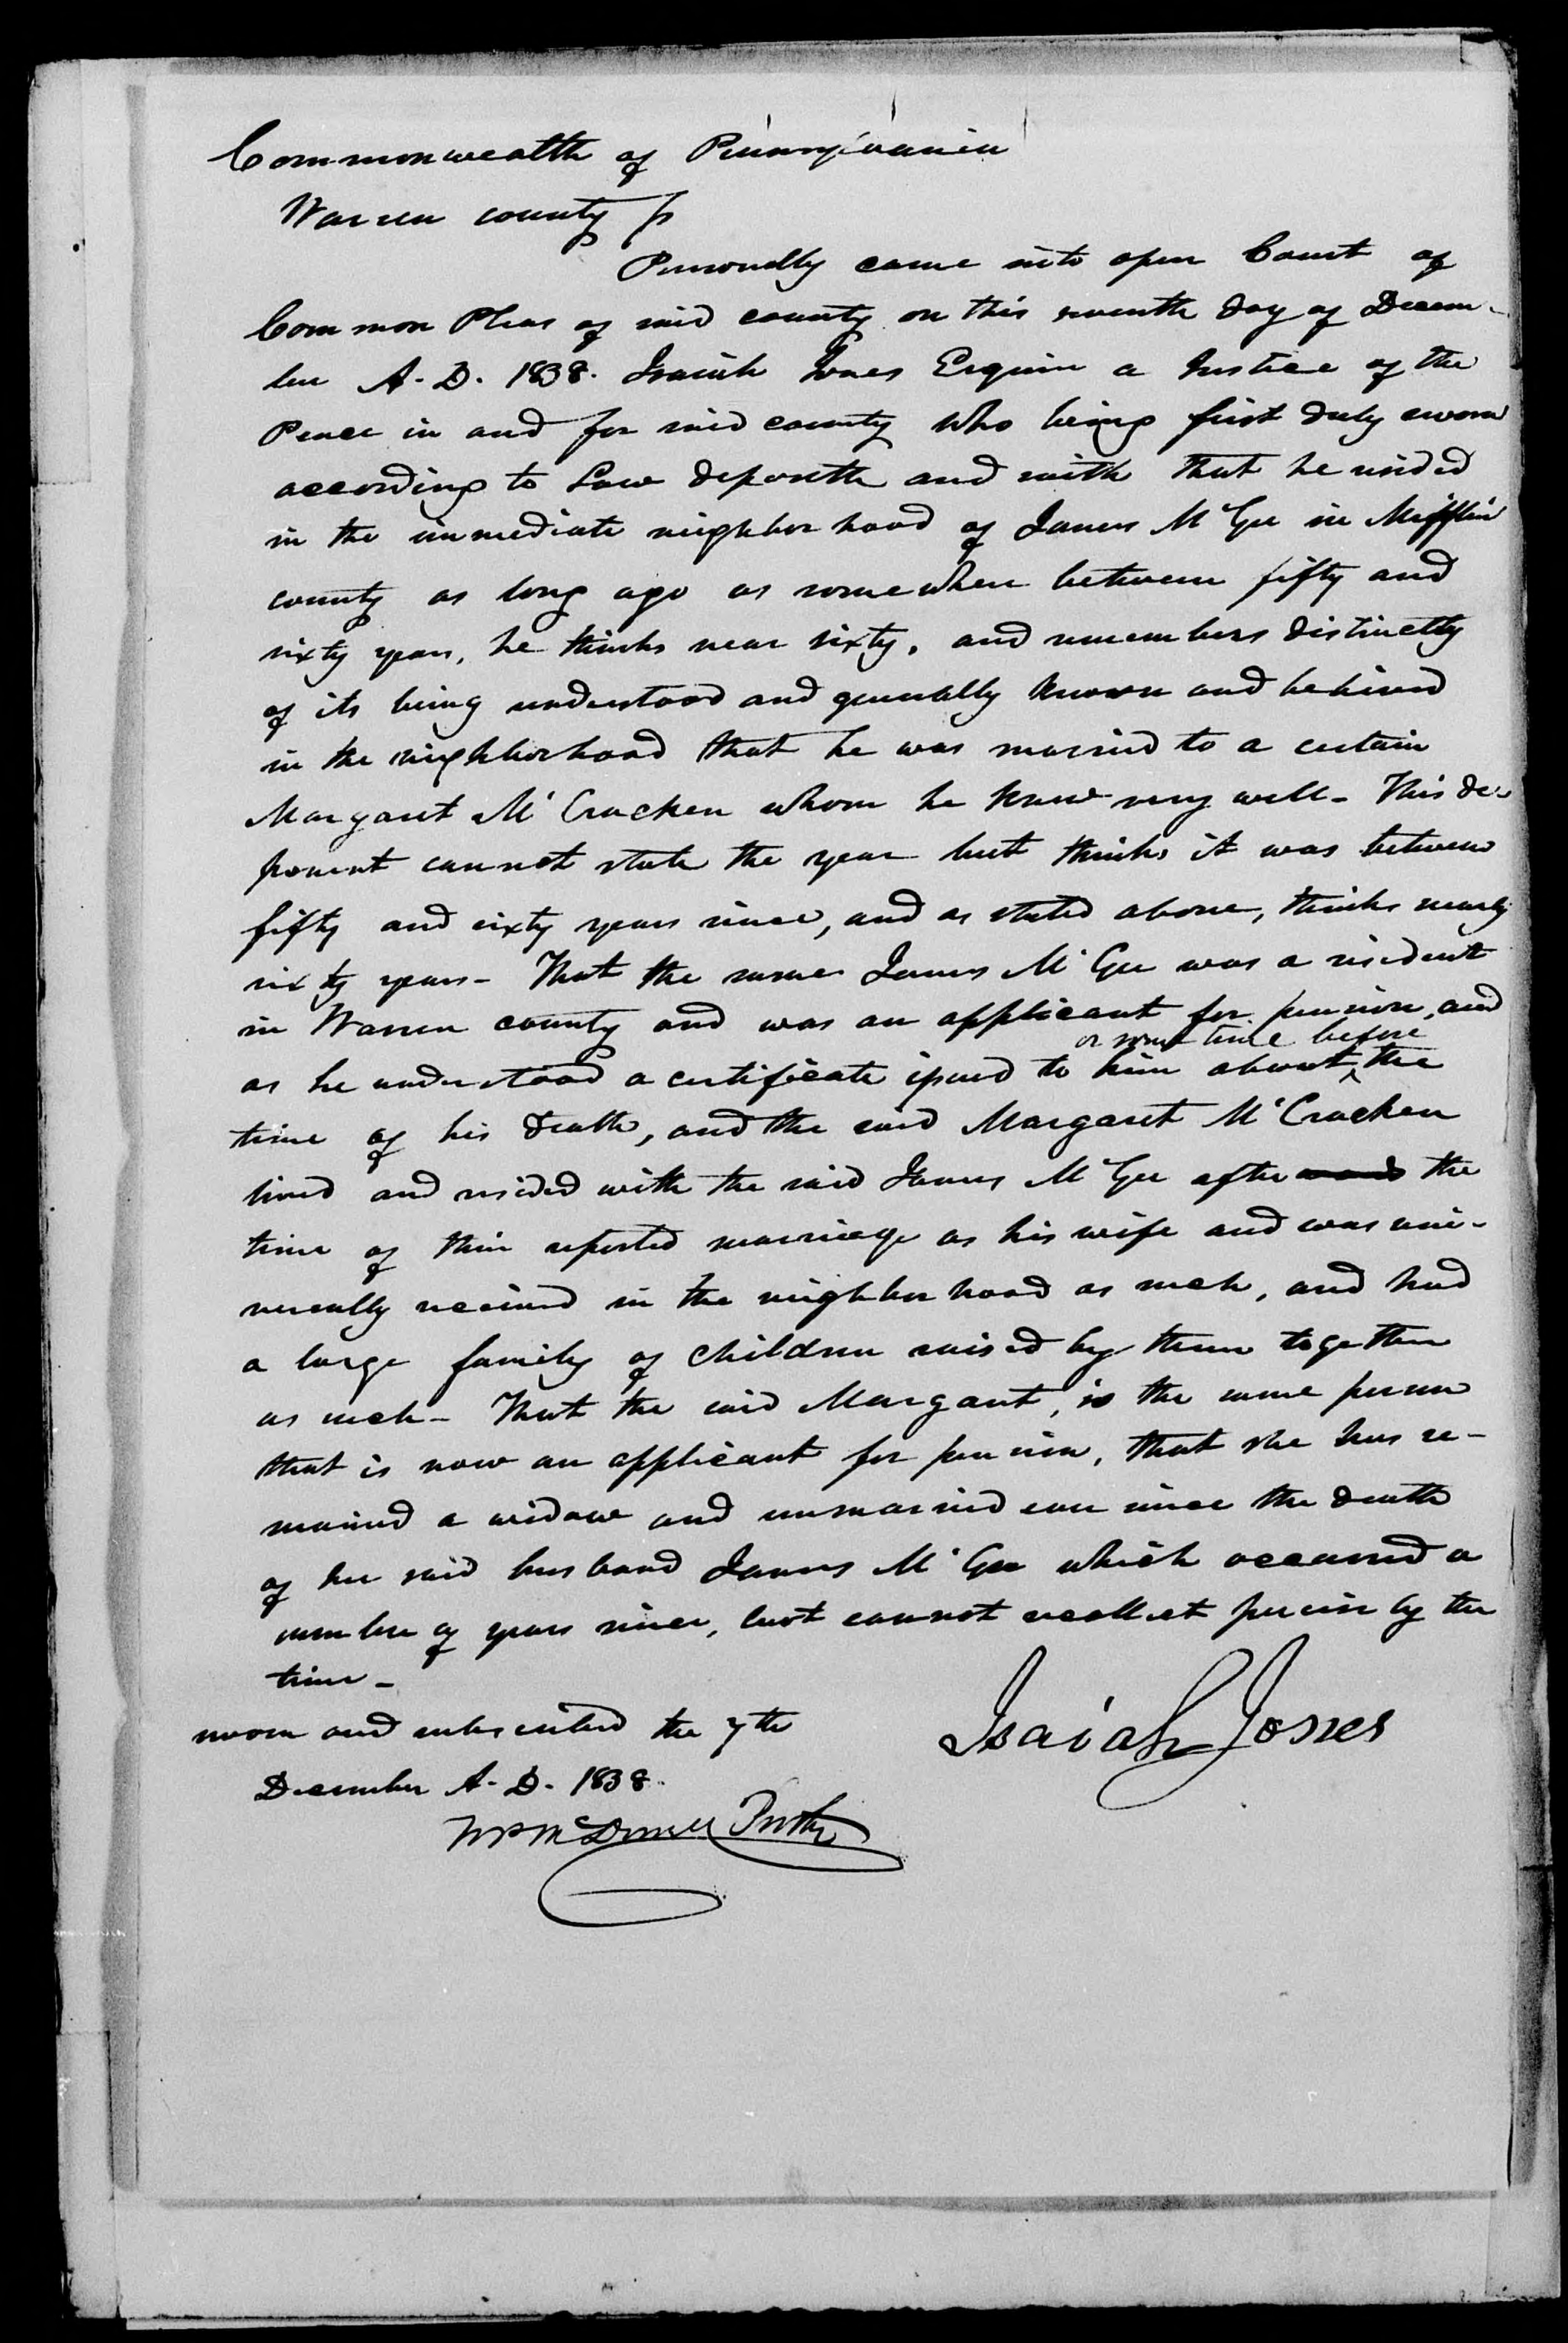Commonwealth of Pennsylvania
Warren County

Personally came into open Court of
Common Pleas of said County on this seventh day of December  A.D. 1838. Isaiah Jones Esquire a Justice of the Peace in and for said County who being first duly sworn according to Law deposeth and saith that he resided
in the immediate neighborhood of James McGee in Mifflin County as long ago as some where between fifty and sixty years, he thinks near sixty, and remembers distinctly
of its being understood and generally known and believed in the neighborhood that he was married to a certain Margaret McCracken whom he knew very well. This deponent cannot state the year but thinks it was between fifty and sixty years since, and as stated above, thinks nearly sixty   years. That the same James McGee was a resident in Warren County and was an applicant for pension, and as he understood a certificate issued to him about ^ or some time before ^ the time of his death, and the said Margaret McCracken lived and resided with the said James McGee after the time of their reported marriage as his wife and was universally 
 received in the neighborhood as such, and had a large family of children raised by them together as such That the said Margaret, is the same person that is now an applicant for pension, that she has remained a widow and unmarried ever since the death of her said husband James McGee which occurred a
number by years since, but cannot recollect precise by the time

Isaiah Jones   (his signature)

sworn and subscribed the 7th
December A.D. 1838

W. P. McDomer(?)    Proth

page: 5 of 77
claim: widow's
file: W 2954, for James Mc Gee, Delaware